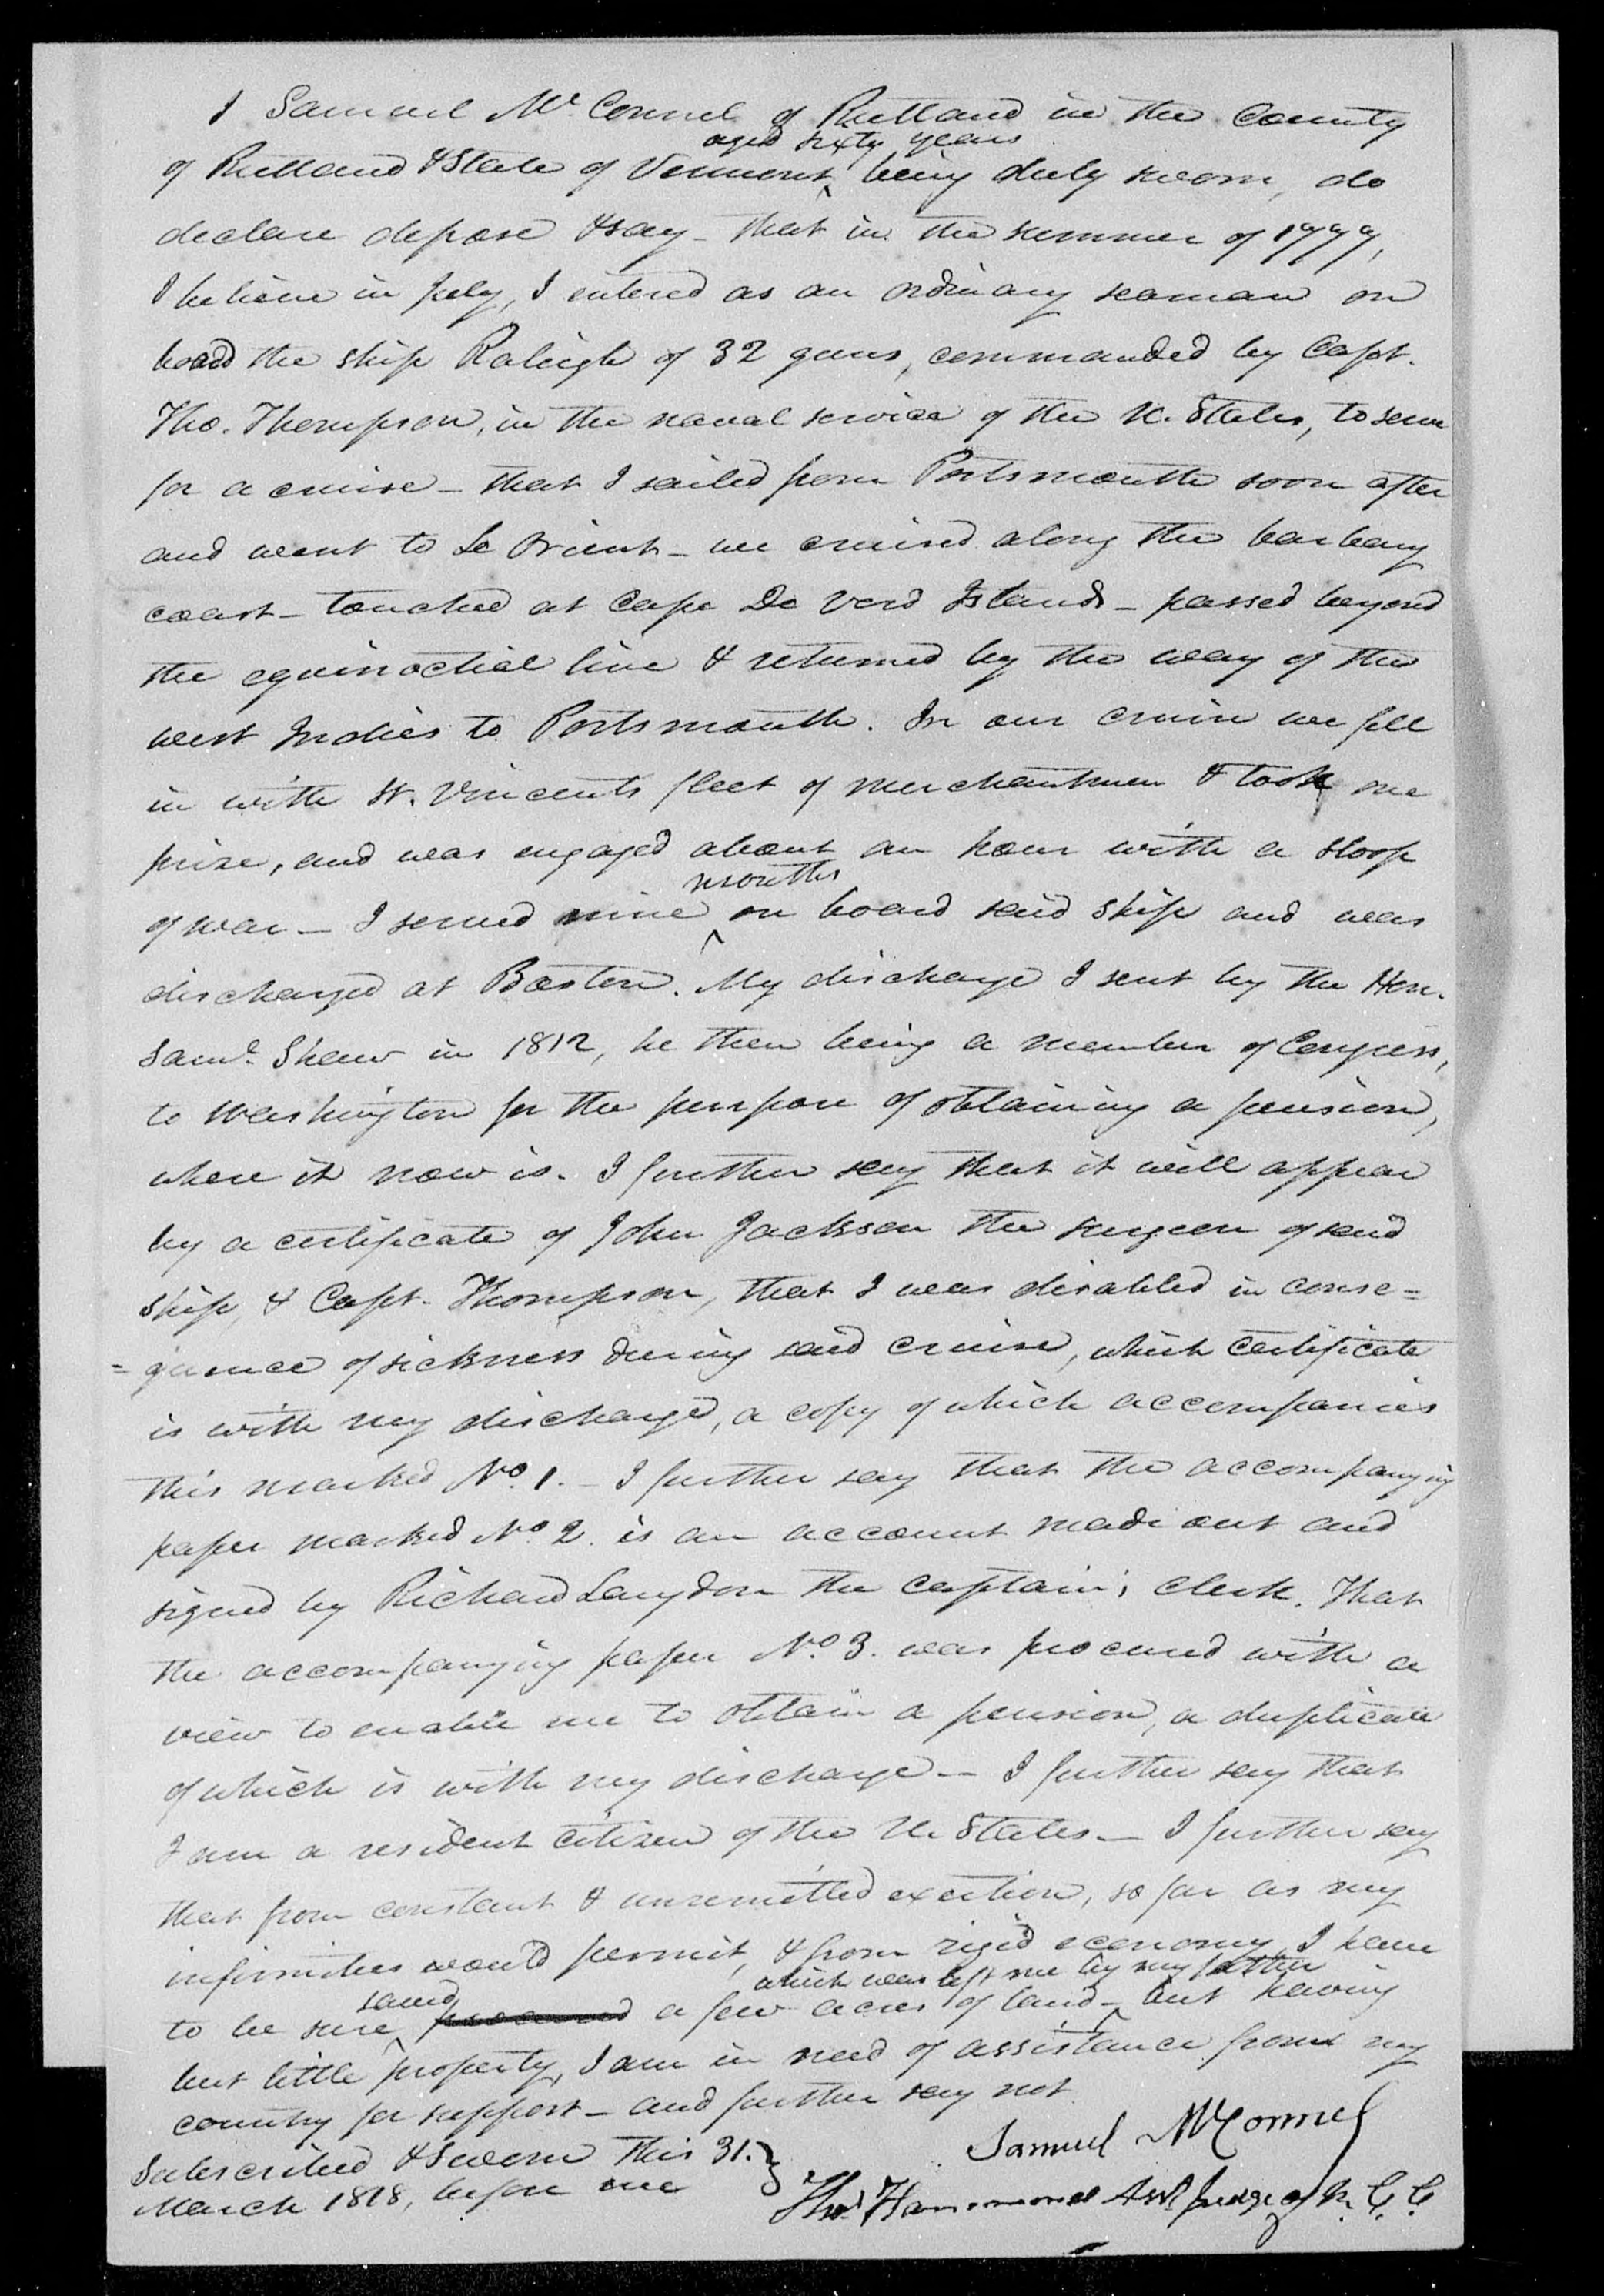I Samuel McCounty [age sixty years] of Rutland in the County
of Rulland & State of Vermont being duly sworn, do
declare depose & say that in the summer of 1779,
believe in July, I entered as an ordinary seaman on
board the ship Raleigh of 32 guns, commanded by Capt.
Tho. Thompson, in the naval service of the U. States, to serve
for a cruise - that I sailed from Portsmouth soon after
and went to Lorient we cried along the barbary
Court touched at Cape De Verd Island, passed beyond
the equinactial line & returned by the way of the
West Indies to Portsmouth, In our cruise we fell
in with St. Vincents fleet of merchantman & took me
prise, and was engaged about an hour with a Hope
of war. I served nine months on board said ship and was
discharged at Boston. My discharge I sent by the Hon
Saml Shaw in 1812, he then being a member of Congress
to Washington for the purpose of obtaining a pension
where it now is. I further say that it will appear
by a certificate of John Jackson the Surgeon of and
ship & Capt. Thompson, that I was disabled in conse
quence of sickness during said cruise, which certificate
is with my discharge, a copy of which accompanies
this marked No 1. I further say that the accompanying
paper marked No 2 is an account made out and
signed by Richard Langdon the captain, Clerk. That the
accompanying paper No 3. was procured with a
view to enable me to obtain a pension, a duplicate
of which is with my discharge - I further say that
am a resident citizen of the U States - I further say
that from constant & unremitted exection, so far as my
infirmities would permit & from riged economy. I have
which was left me by my father
a few acres of land but having
to be sure
but little property, am in need of assistance from my
country for support - and further say not
Subscribed & sworn this 31
Samuel McConnel
March 1818, before me
Thos Hammond Act Judge C.C.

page: 4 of 18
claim: survivor's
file: S. 41,827, for Samuel Mc Connel, Vermont